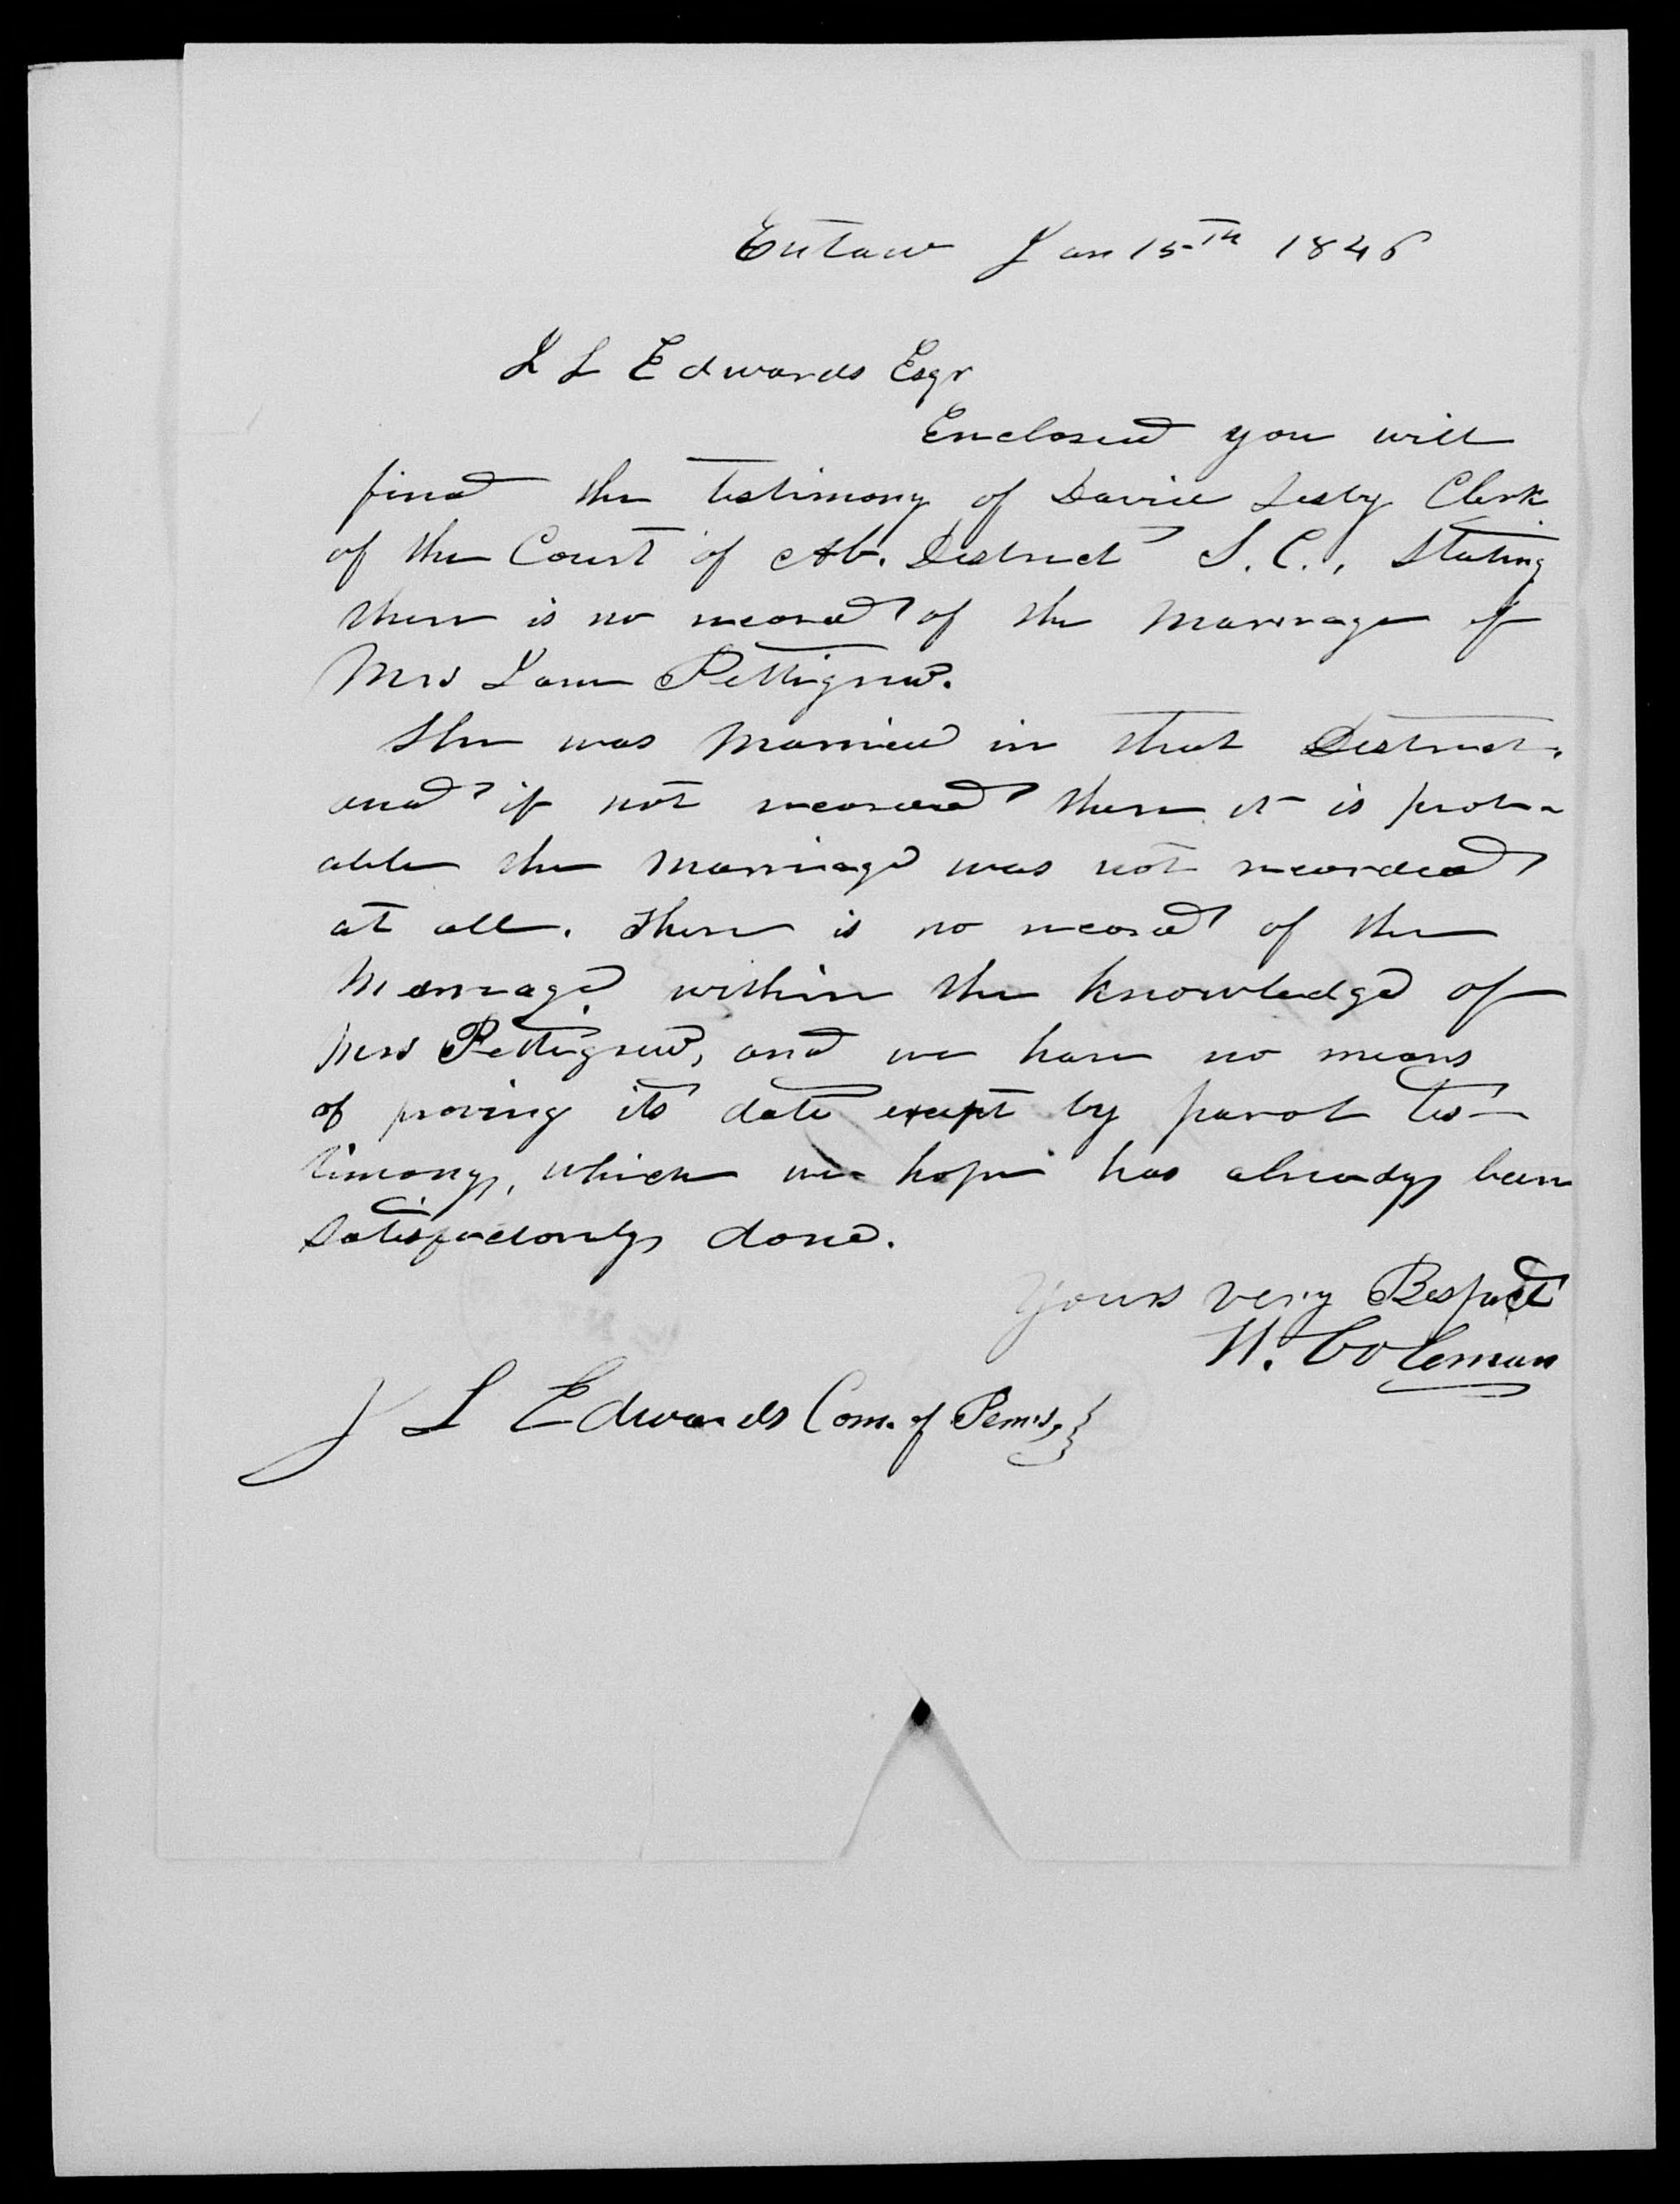Eutaw Jan 15th 1846

J L Edwards Esqr
Enclosed you will find the Testimony of David Lucy Clerk of the Court of Ab. Daniel S.C. stating there is no record of the marriage of Mrs. Jane Pettigrew.
She was promised in that declaration and if not more than it is provable the marriage was not recorded at all. There is no record of the marriage within the knowledge of Mrs Pettigrew, and we have no means of proving to date except by parole testimony, which we hope has already been satisfactory done.

yours very respect
H. Colman
J L Edwards Com. of Pens.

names: Jane Pettigrew; J L Edwards; David Lesby; W Coleman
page: 38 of 92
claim: widow's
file: W. 5522, for James Pettigrew, South Carolina